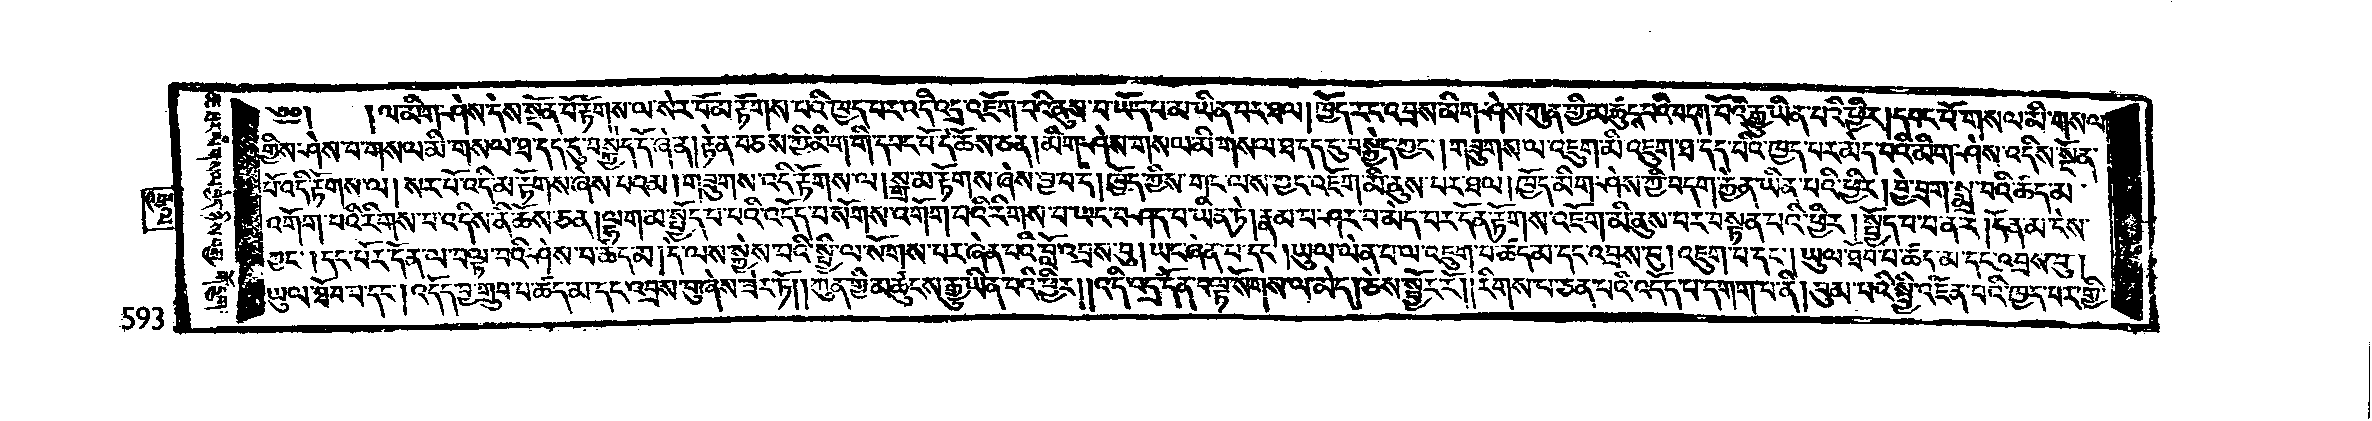༄༅། །ལ་མིག་ཤེས་དེས་སྔོན་པོ་རྟོགས་ལ་སེར་པོ་མ་རྟོགས་པའི་ཁྱད་པར་འདི་འདྲ་འཇོག་པའི་ནུས་པ་ཡོད་པ་མ་ཡིན་པར་ཐལ། ཁྱོད་རང་འབྲས་མིག་ཤེས་ཀུན་གྱི་མཚུངས་པའི་བདག་པོའི་རྒྱུ་ཡིན་པའི་ཕྱིར། དབང་པོ་གསལ་མི་གསལ་
གྱིས་ཤེས་པ་གསལ་མི་གསལ་ཐ་དད་དུ་བསྐྱེད་དོ་ཞེ་ན། རྟེན་བཅས་ཀྱི་མིག་གི་དབང་པོ་དེ་ཆོས་ཅན། མིག་ཤེས་གསལ་མི་གསལ་ཐ་དད་དུ་བསྐྱེད་ཀྱང་། གཟུགས་ལ་འཇུག་མི་འཇུག་ཐ་དད་པའི་ཁྱད་པར་མེད་པའི་མིག་ཤེས་འདིས་སྔོན་
པོ་འདི་རྟོགས་ལ། སར་པོ་འདི་མ་རྟོགས་ཞེས་པའམ། གཟུགས་འདི་རྟོགས་ལ། སྒྲ་མ་རྟོགས་ཞེས་བྱ་བ་དེ། ཁྱོད་ཀྱིས་གང་ལས་ཀྱང་འཇོག་མི་ནུས་པར་ཐལ། ཁྱོད་མིག་ཤེས་ཀྱི་བདག་རྐྱེན་ཡིན་པའི་ཕྱིར། བྱེ་བྲག་སྨྲ་བའི་ཆེད་མ་
འགོག་པའི་རིགས་པ་འདིས་ནི་ཆོས་ཅན། ལྷག་མ་སྤྱོད་པ་པའི་འདོད་པ་སོགས་འགོག་པའི་རིགས་པ་ཡང་བཤད་པ་ཡིན་ཏེ། རྣམ་པ་ཤར་བ་མེད་པར་དོན་རྟོགས་འཇོག་མི་ནུས་པར་བསྟན་པའི་ཕྱིར། སྤྱོད་པ་པ་ན་ར། དོན་མ་ངེ་
ཀྱང་། དང་པོར་དོན་ལ་བལྟ་བའི་ཤེས་པ་ཚད་མ། དེ་ལས་སྐྱེས་པའི་སྤྱི་ལ་སོགས་པར་ཞེན་པའི་བློ་འབྲས་བུ། ཡང་ཞེན་པ་དང་། ཡུལ་ལེན་པ་ལ་འཇུག་པ་ཚད་མ་དང་འབྲས་བུ། འཇུག་པ་དང་། ཡུལ་ཐོབ་པ་ཚད་མ་དང་འབྲས་བུ།
ཡུལ་ཐོབ་པ་དང་། འདོད་བྱ་གྲུབ་པ་ཚད་མ་དང་འབྲས་བུ་ཞེས་ཟེར་ཏོ། །ཀུན་གྱི་མཚུངས་རྒྱུ་ཡིན་པའི་ཕྱིར། །འདི་འདྲ་དོན་བལྟ་སོགས་ལ་མེད་།ཅེས་སྦྱོར་རོ། །རིགས་པ་ཅན་པའི་འདོད་པ་དགག་པ་ནི། བུམ་པའི་སྤྱི་འཛིན་པའི་ཁྱད་པར་གྱི་